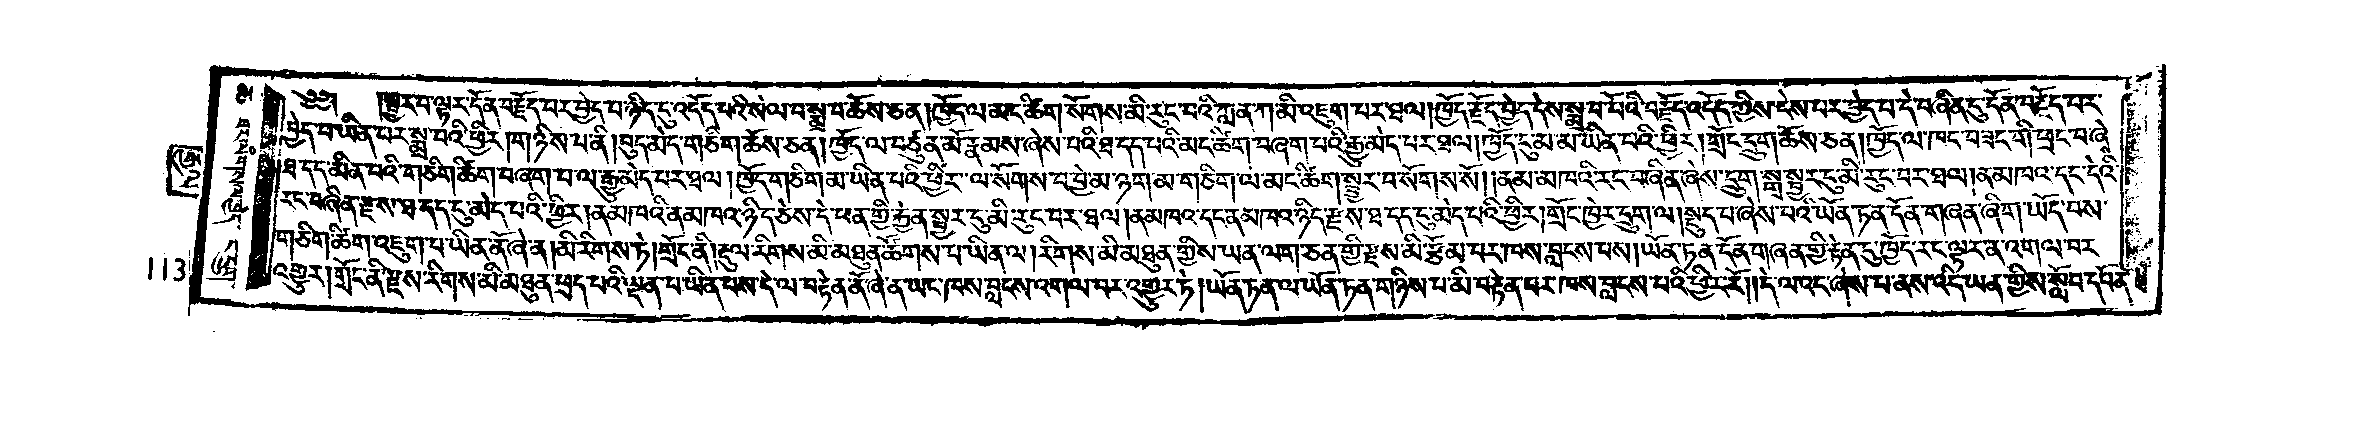༄༅། །སྦྱར་བ་ལྟར་དོན་བརྗོད་པར་བྱེད་པ་ཉིད་དུ་འདོད་པའི་སེལ་བ་སྨྲ་བ་ཆོས་ཅན། ཁྱོད་ལ་མང་ཚིག་སོགས་མི་རུང་བའི་ཀླན་ཀ་མི་འཇུག་པར་ཐལ། ཁྱོད་རྗོད་བྱེད་དེས་སྨྲ་བ་པོའི་བརྗོད་འདོད་ཀྱིས་ངེས་པར་བྱེད་པ་དེ་བཞིན་དུ་དོན་བརྗོད་པར་
བྱེད་པ་ཡིན་པར་སྨྲ་བའི་ཕྱིར། གཉིས་པ་ནི། བུད་མེད་གཅིག་ཆོས་ཅན། ཁྱོད་ལ་བཙུན་མོ་རྣམས་ཞེས་པའི་ཐ་དད་པའི་མང་ཚིག་བཞག་པའི་རྒྱུ་མེད་པར་ཐལ། ཁྱོད་དུ་མ་མ་ཡིན་པའི་ཕྱིར། གྲོང་དྲུག་ཆོས་ཅན། ཁྱོད་ལ་ཁང་བཟང་གི་ཕྲང་བ་ཞེས་
ཐ་དད་མིན་པའི་གཅིག་ཚིག་བཞག་པ་ལ་རྒྱུ་མེད་པར་ཐལ། ཁྱོད་གཅིག་མ་ཡིན་པའི་ཕྱིར་ལ་སོགས་པ་བྱེ་མ་ཉག་མ་གཅིག་ལ་མང་ཚིག་སྦྱར་བ་སོགས་སོ། །ནམ་མཁའི་རང་བཞིན་ཞེས་དྲུག་སྒྲ་སྦྱར་དུ་མི་རུང་བར་ཐལ། ནམ་མཁའ་དང་དེའི་
རང་བཞིན་རྫས་ཐ་དད་དུ་མེད་པའི་ཕྱིར། ནམ་མཁའི་ནམ་མཁའ་ཉིད་ཅེས་དེ་ཕན་གྱི་རྐྱེན་སྦྱར་དུ་མི་རུང་བར་ཐལ། ནམ་མཁའ་དང་ནམ་མཁའ་ཉིད་རྫས་ཐ་དད་དུ་མེད་པའི་ཕྱིར། གྲོང་ཁྱེར་དྲུག་ལ། སྡུད་པ་ཞེས་པའི་ཡོན་ཏན་དོན་གཞན་ཞིག་ཡོད་པས་
གཅིག་ཚིག་འཇུག་པ་ཡིན་ནོ་ཞེ་ན། མི་རིགས་ཏེ། གྲོང་ནི། རྡུལ་རིགས་མི་མཐུན་ཚོགས་པ་ཡིན་ལ། རིགས་མི་མཐུན་གྱིས་ཡན་ལག་ཅན་གྱི་རྫས་མི་རྩོམ་པར་ཁས་བླངས་པས། ཡོན་ཏན་དོན་གཞན་གྱི་རྟེན་དུ་ཁྱོད་རང་ལྟར་ན་འགལ་བར་
འགྱུར། གྲོང་ནི་རྫས་རིགས་མི་མཐུན་ཕྲད་པའི་ལྡན་པ་ཡིན་པས་དེ་ལ་བརྟེན་ནོ་ཞེ་ན་ཡང་ཁས་བླངས་འགལ་བར་འགྱུར་ཏེ། ཡོན་ཏན་ལ་ཡོན་ཏན་གཉིས་པ་མི་བརྟེན་པར་ཁས་བླངས་པའི་ཕྱིར་རོ། །དེ་ལ་འང་ཞེས་པ་ནས་འདི་ཡན་གྱིས་སློབ་དཔོན་